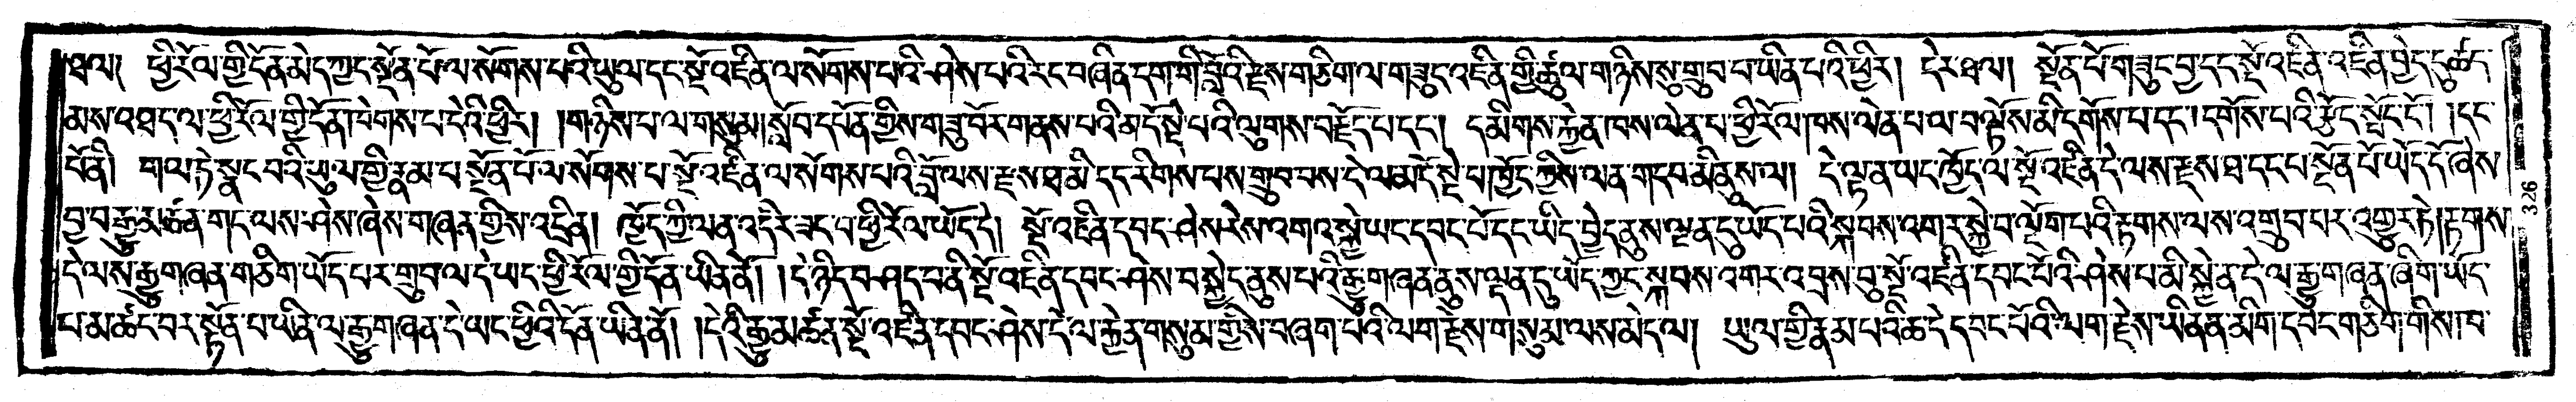ཐལ། ཕྱི་རོལ་གྱི་དོན་མེད་ཀྱང་སྔོན་པོ་ལ་སོགས་པའི་ཡུལ་དང་སྔོ་འཛིན་ལ་སོགས་པའི་ཤེས་པའི་རང་བཞིན་དག་གི་བློའི་རྫས་གཅིག་ལ་གཟུང་འཛིན་གྱི་ཚུལ་གཉིས་སུ་གྲུབ་པ་ཡིན་པའི་ཕྱིར། དེར་ཐལ། སྔོན་པོ་གཟུང་བྱ་དང་སྔོ་འཛིན་འཛིན་བྱེད་དུ་ཚད་
མས་འཐད་ལ་ཕྱི་རོལ་གྱི་དོན་ཁེགས་པ་དེའི་ཕྱིར། །གཉིས་པ་ལ་གསུམ། སློབ་དཔོན་གྱིས་གཟུ་བོར་གནས་པའི་མདོ་སྡེ་པའི་ལུགས་བརྗོད་པ་དང་། དམིགས་རྐྱེན་ཁས་ལེན་པ་ཕྱི་རོལ་ཁས་ལེན་པ་ལ་བལྟོས་མི་དགོས་པ་དང་། དགོས་པའི་རྩོད་སྤོང་ངོ། །དང་
པོ་ནི། གལ་ཏེ་སྣང་བའི་ཡུལ་གྱི་རྣམ་པ་སྔོན་པོ་ལ་སོགས་པ་སྔོ་འཛིན་ལ་སོགས་པའི་བློ་ལས་རྫས་ཐ་མི་དད་རིགས་པས་གྲུབ་པས་དེ་ལ་མདོ་སྡེ་པ་ཁྱོད་ཀྱིས་ལན་གདབ་མི་ནུས་ལ། དེ་ལྟ་ན་ཡང་ཁྱོད་ལ་སྔོ་འཛིན་དེ་ལས་རྫས་ཐ་དད་པ་སྔོན་པོ་ཡོད་དོ་ཞེས་
བྱ་བ་རྒྱུ་མཚན་གང་ལས་ཤེས་ཞེས་གཞན་གྱིས་འདྲིན། ཁྱོད་ཀྱི་ལན་འདིར་ཟད་པ་ཕྱི་རོལ་ཡོད་དེ། སྔོ་འཛིན་དབང་ཤེས་རེས་འགའ་སྐྱེ་ཡང་དབང་པོ་དང་ཡིད་བྱེད་ནུས་ལྡན་དུ་ཡོད་པའི་སྐབས་འགར་སྐྱེ་བ་ལྡོག་པའི་རྟགས་ལས་འགྲུབ་པར་འགྱུར་ཏེ། རྟགས་
དེ་ལས་རྒྱུ་གཞན་གཅིག་ཡོད་པར་གྲུབ་ལ་དེ་ཡང་ཕྱི་རོལ་གྱི་དོན་ཡིན་ནོ། །དེ་ཉིད་བཤད་པ་ནི་སྔོ་འཛིན་དབང་ཤེས་བསྐྱེད་ནུས་པའི་རྒྱུ་གཞན་ནུས་ལྡན་དུ་ཡོད་ཀྱང་སྐབས་འགར་འབྲས་བུ་སྔོ་འཛིན་དབང་པོའི་ཤེས་པ་མི་སྐྱེ་ན་དེ་ལ་རྒྱུ་གཞན་ཞིག་ཡོད་
པ་མ་ཚང་བར་སྟོན་པ་ཡིན་ལ་རྒྱུ་གཞན་དེ་ཡང་ཕྱིའི་དོན་ཡིན་ནོ། །དེའི་རྒྱུ་མཚན་སྔོ་འཛིན་དབང་ཤེས་དེ་ལ་རྐྱེན་གསུམ་གྱིས་བཞག་པའི་ལག་རྗེས་གསུམ་ལས་མེད་ལ། ཡུལ་གྱི་རྣམ་པའི་ཆ་དེ་དབང་པོའི་ལག་རྗེས་ཡིན་ན་མིག་དབང་གཅིག་གིས་ཁ་